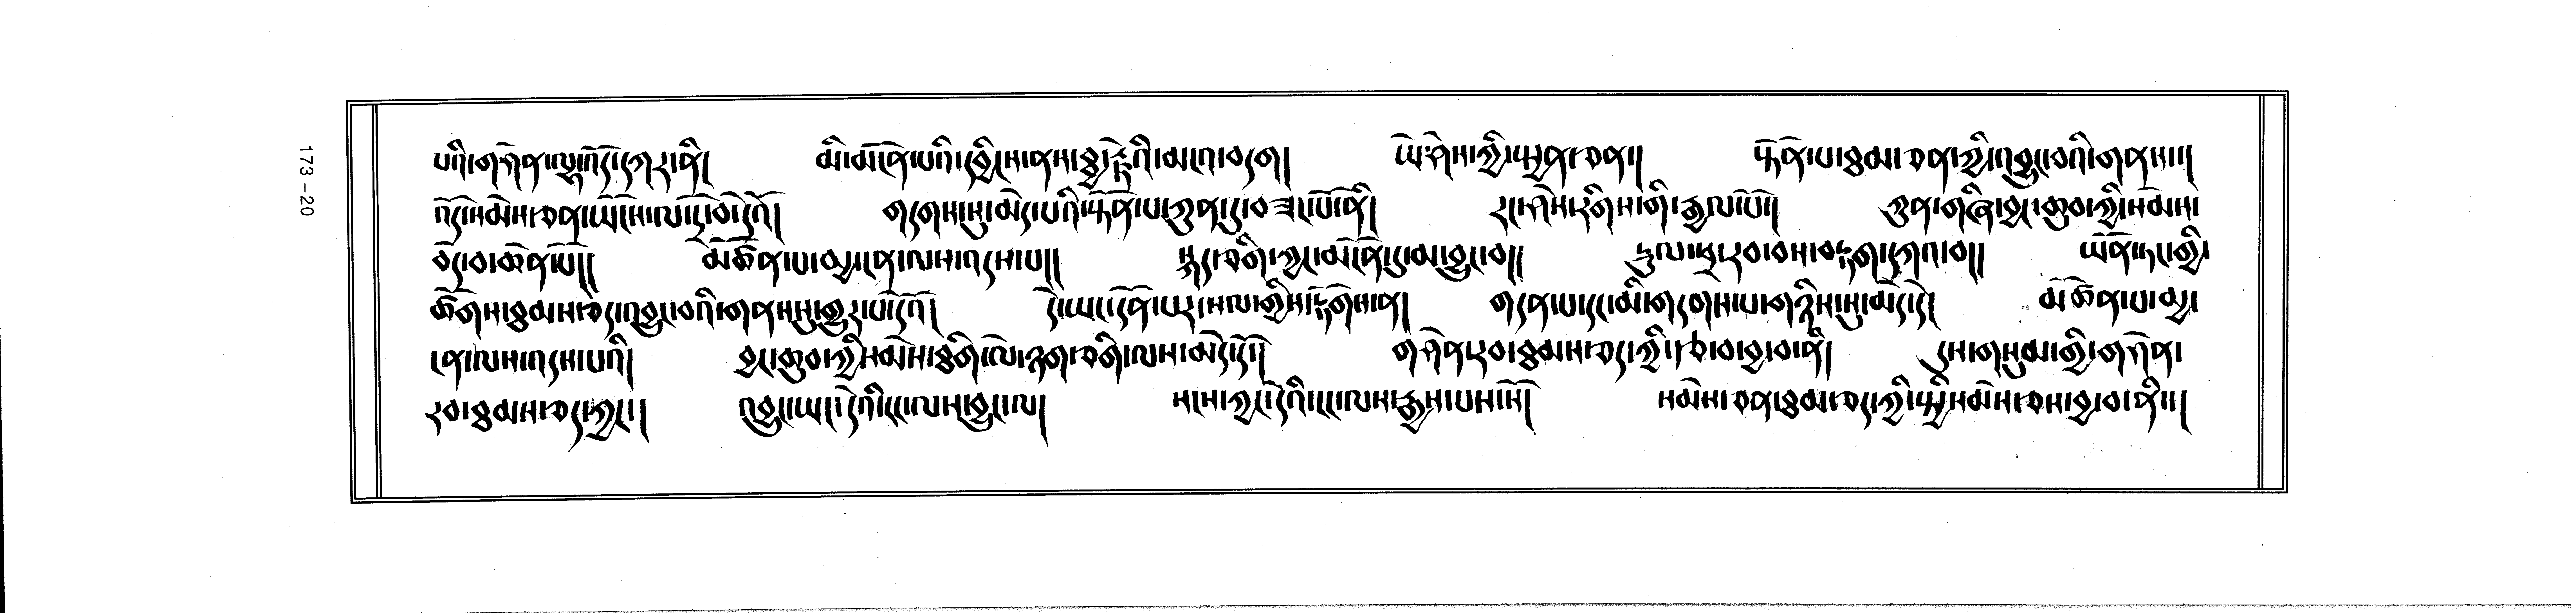པའི་གཤེན་ལྷ་འོད་དཀར་ནི། མི་མངོན་པའི་དབྱིངས་ནས་ཐུགས་རྗེའི་མངའ་བདག ཡེ་ཤེས་ཀྱི་སྤྱན་ཅན། སྟོན་པ་ཐམས་ཅད་ཀྱི་འབྱུང་གནས། 
འོད་སེམས་ཅན་ཡོངས་ལ་དྲོ་བ་དེའོ། །གདགས་སུ་མེད་པའི་སྟོན་པ་ཀུན་ཏུ་བཟང་པོ་ནི། རང་ཤེས་རིག་རྒྱལ་པོ། ཀུན་གཞི་བྱང་ཆུབ་ཀྱི་སེམས་
བདེ་བ་ཆེན་པོ། མཚོན་པ་མྱ་ངན་ལས་འདས་པ། སྐད་ཅིག་ཀྱང་མངོན་དུ་མ་བྱུང་བ། རྡུལ་ཕྲ་རབ་བས་བརྟག་དཀའ་བ། ཡོན་ཏན་གྱི་
ཚོགས་ཐམས་ཅད་འབྱུང་བའི་གནས་སུ་གྱུར་པ་དེའོ། །དེ་ཡང་དོན་པར་སལ་གྱིས་རྟོགས་ན། གདན་༼གདགས་པ༽པ་དང་མི་གདགས་པ་གཉིས་སུ་མེད་དེ། མཚོན་པ་མྱ་
ངན་ལས་འདས་པའི། བྱང་ཆུབ་ཀྱི་སེམས་ཐིག་ལེ་ཉག་གཅིག་ལས་མེད་དོ། །གཤེན་རབ་ཐམས་ཀྱི་རྩ་བ་བྱ་བ་ནི། དུས་གསུམ་གྱི་གཤེན་
རབ་ཐམས་ཅད་ཀྱང་། འབྱུང་ཡང་དེའི་ངང་ལས་འབྱུང་ལ། སངས་ཀྱང་དེའི་ངང་ལས་རྒྱས་པས་སོ། སེམས་ཅན་ཐམས་ཅད་ཀྱི་སྤྱི་མེས་ཅེས་བྱ་བ་ནི།